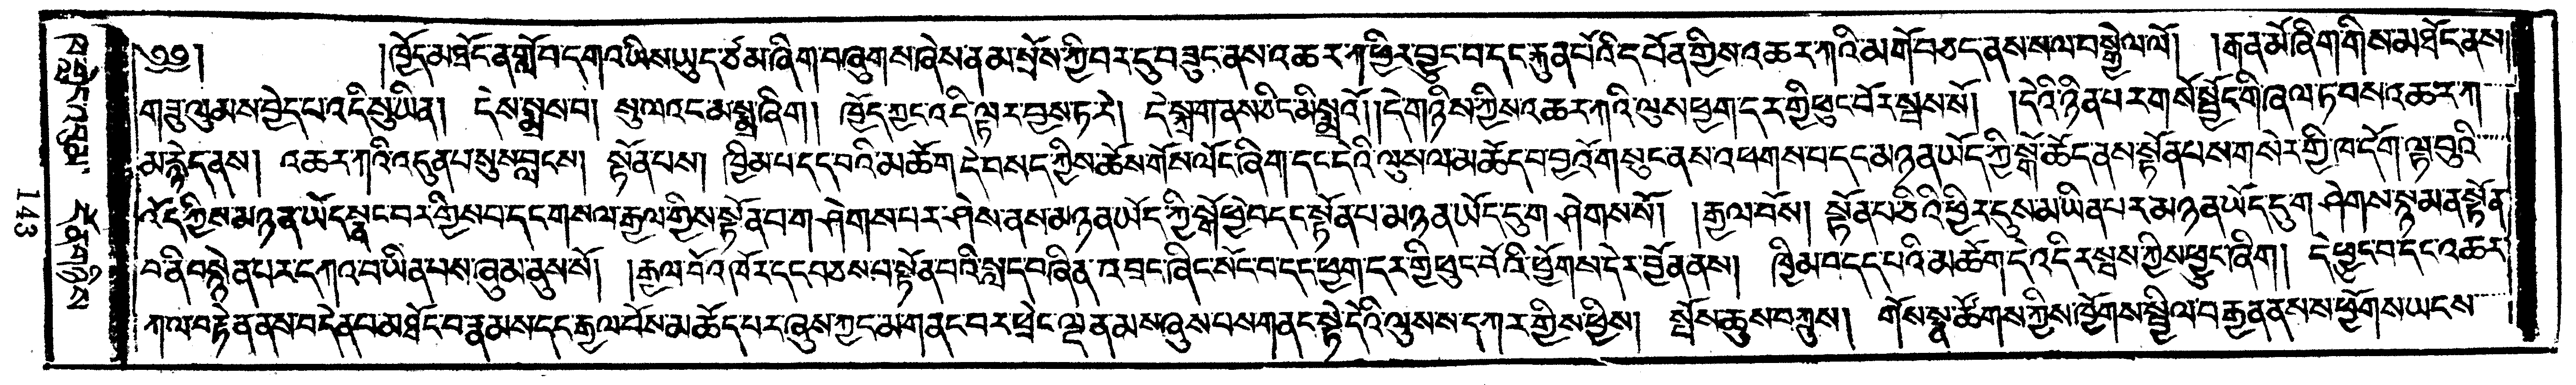༄༅། །ཁྱོད་མཐོང་ན་གློ་བ་དགའ་ཡིས་ཡུད་ཙམ་ཞིག་བཞུགས་ཞེས་ནམ་སྲོས་ཀྱི་བར་དུ་བཟུང་ནས་འཆར་ཀ་ཕྱིར་བྱུང་བ་དང་རྐུན་པོའི་དཔོན་གྱིས་འཆར་ཀའི་མགོ་བཅད་ནས་ས་ལ་བསྒྱེལ་ལོ། །རྒན་མོ་ཞིག་གིས་མཐོང་ནས།
གཟུ་ལུམས་བྱེད་པ་འདི་སུ་ཡིན། དེས་སྨྲས་བ། སུ་ལའང་མ་སྨྲ་ཞིག། ཁྱོད་ཀྱང་འདི་ལྟར་བྱས་ཏ་རེ། དེ་སྐྲག་ནས་ཅིང་མི་སྨྲའོ། །དེ་གཉིས་ཀྱིས་འཆར་ཀའི་ལུས་ཕྱག་དར་གྱི་ཕུང་བོར་སྦས་སོ། །དེའི་ཉིན་པར་གསོ་སྦྱོང་གི་ཞལ་ཏ་བས་འཆར་ཀ་
མ་རྙེད་ནས། འཆར་ཀའི་འདུན་པ་སུས་བླངས། སྟོན་པས། ཁྱིམ་པ་དད་བའི་མཆོག་དེ་བསད་ཀྱིས་ཆོས་གོས་ལོང་ཞིག་དང་དེའི་ལུས་ལ་མཆོད་པ་བྱའོ་གསུང་ནས་འཕགས་པ་དང་མཉན་ཡོད་ཀྱི་སྒོ་ཆོད་ནས་སྟོན་པས་གསེར་གྱི་ཁ་དོག་ལྟ་བུའི་
འོད་ཀྱིས་མཉན་ཡོད་སྣང་བར་གྱིས་བ་དང་གསལ་རྒྱལ་གྱིས་སྟོན་བ་གཤེགས་པར་ཤེས་ནས་མཉན་ཡོད་ཀྱི་སྒོ་ཕྱེ་བ་དང་སྟོན་པ་མཉན་ཡོད་དུ་གཤེགས་སོ། །རྒྱལ་བོས། སྟོན་པ་ཅིའི་ཕྱིར་དུས་མ་ཡིན་པར་མཉན་ཡོད་དུ་གཤེགས་སྙམ་ན་སྟོན་
བ་ནི་བསྙེན་པར་དཀའ་བ་ཡིན་པས་ཞུམ་ནུས་སོ། །རྒྱལ་བོ་འཁོར་དང་བཅས་པ་སྟོན་པའི་སླད་བཞིན་འབྲང་ཞིང་སོང་བ་དང་ཕྱག་དར་གྱི་ཕུང་བོའི་ཕྱོགས་དེར་བྱོན་ནས། ཁྱིམ་བ་དད་པའི་མཆོག་དེ་འདིར་སྦས་ཀྱིས་ཕྱུང་ཞིག། དེ་ཕྱུང་བ་དང་འཆར་
ཀ་ལ་བརྟེན་ནས་བདེན་པ་མཐོང་བ་རྣམས་དང་རྒྱལ་བོས་མཆོད་པར་ཞུས་ཀྱང་མ་གནང་བར་ཕྲེང་ལྡན་མས་ཞུས་པས་གནང་སྟེ་དེའི་ལུས་ས་དཀར་གྱིས་ཕྱིས། སྤོས་ཆུས་བཀྲུས། གོས་སྣ་ཚོགས་ཀྱིས་ཁྱོགས་སྦྱིལ་བརྒྱན་ནས་ས་ཕྱོགས་ཡངས་